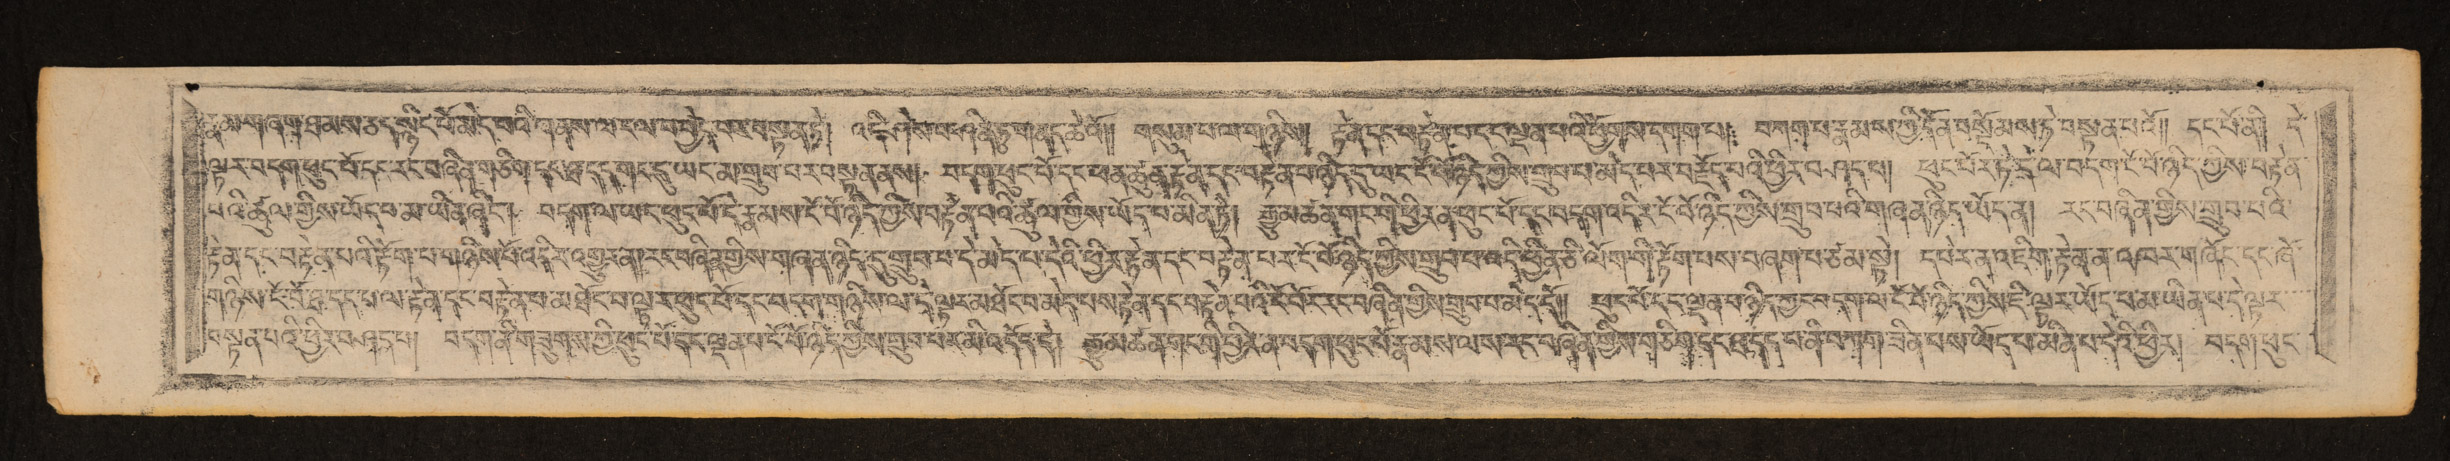རྣམ་གཞག་ཐམས་ཅད་སྙིང་པོ་མེད་པའི་གནས་ལ་ངལ་བ་བྱེད་པར་བསྟན་ཏེ། འདི་ཤེས་པ་ཤིན་ཏུ་གནད་ཆེའོ།། གསུམ་པ་ལ་གཉིས། རྟེན་དང་བརྟེན་པ་དང་ལྡན་པའི་ཕྱོགས་དགག་པ། བཀག་པ་རྣམས་ཀྱི་དོན་བསྡོམས་ཏེ་བསྟན་པའོ།། དང་པོ་ནི། དེ་
ལྟར་བདག་ཕུང་པོ་དང་རང་བཞིན་གཅིག་དང་ཐ་དད་གང་དུ་ཡང་མ་གྲུབ་པར་བསྟན་ནས། བདག་ཕུང་པོ་དང་ཕན་ཚུན་རྟེན་དང་བརྟེན་པ་ཉིད་དུ་ཡང་ངོ་བོ་ཉིད་ཀྱིས་གྲུབ་པ་མེད་པར་བརྗོད་པའི་ཕྱིར་བཤད་པ། ཕུང་པོར་ཏེ་དེ་ལ་བདག་ངོ་བོ་ཉིད་ཀྱིས་བརྟེན་
པའི་ཚུལ་གྱིས་ཡོད་པ་མ་ཡིན་ཞིང་། བདག་ལ་ཡང་ཕུང་པོ་དེ་རྣམས་ངོ་བོ་ཉིད་ཀྱིས་བརྟེན་པའི་ཚུལ་གྱིས་ཡོད་པ་མིན་ཏེ། རྒྱུ་མཚན་གང་གི་ཕྱིར་ན་ཕུང་པོ་དང་བདག་འདིར་ངོ་བོ་ཉིད་ཀྱིས་གྲུབ་པའི་གཞན་ཉིད་ཡོད་ན། རང་བཞིན་གྱིས་གྲུབ་པའི་
རྟེན་དང་བརྟེན་པའི་རྟོག་པ་གཉིས་པོ་འདིར་འགྱུར་ན། རང་བཞིན་གྱིས་གཞན་ཉིད་དུ་གྲུབ་པ་དེ་མེད་པ་དེའི་ཕྱིར་རྟེན་དང་བརྟེན་པར་ངོ་བོ་ཉིད་ཀྱིས་གྲུབ་པ་ཕྱིན་ཅི་ལོག་གི་རྟོག་པས་བཞག་པ་ཙམ་སྟེ། དཔེར་ན་འཇིག་རྟེན་ན་འཁར་གཞོང་དང་ཞོ་
གཉིས་ངོ་བོ་ཐ་དད་པ་ལ་རྟེན་དང་བརྟེན་པ་མཐོང་བ་ལྟར་ཕུང་པོ་དང་བདག་གཉིས་ལ་དེ་ལྟར་མཐོང་བ་མེད་པས་རྟེན་དང་བརྟེན་པའི་ངོ་བོར་རང་བཞིན་གྱིས་གྲུབ་པ་མེད་དོ།། ཕུང་པོ་དང་ལྡན་པ་ཉིད་ཀྱང་བདག་ལ་ངོ་བོ་ཉིད་ཀྱིས་ཇི་ལྟར་ཡོད་པ་མ་ཡིན་པ་དེ་ལྟར་
བསྟན་པའི་ཕྱིར་བཤད་པ། བདག་ནི་གཟུགས་ཀྱི་ཕུང་པོ་དང་ལྡན་པ་ངོ་བོ་ཉིད་ཀྱིས་གྲུབ་པར་མི་འདོད་དེ། རྒྱུ་མཚན་གང་གི་ཕྱིར་ན་བདག་ཕུང་པོ་རྣམས་ལས་རང་བཞིན་གྱིས་གཅིག་དང་ཐ་དད་པ་ནི་བཀག་ཟིན་པས་ཡོད་པ་མིན་པ་དེའི་ཕྱིར། བདག་ཕུང་